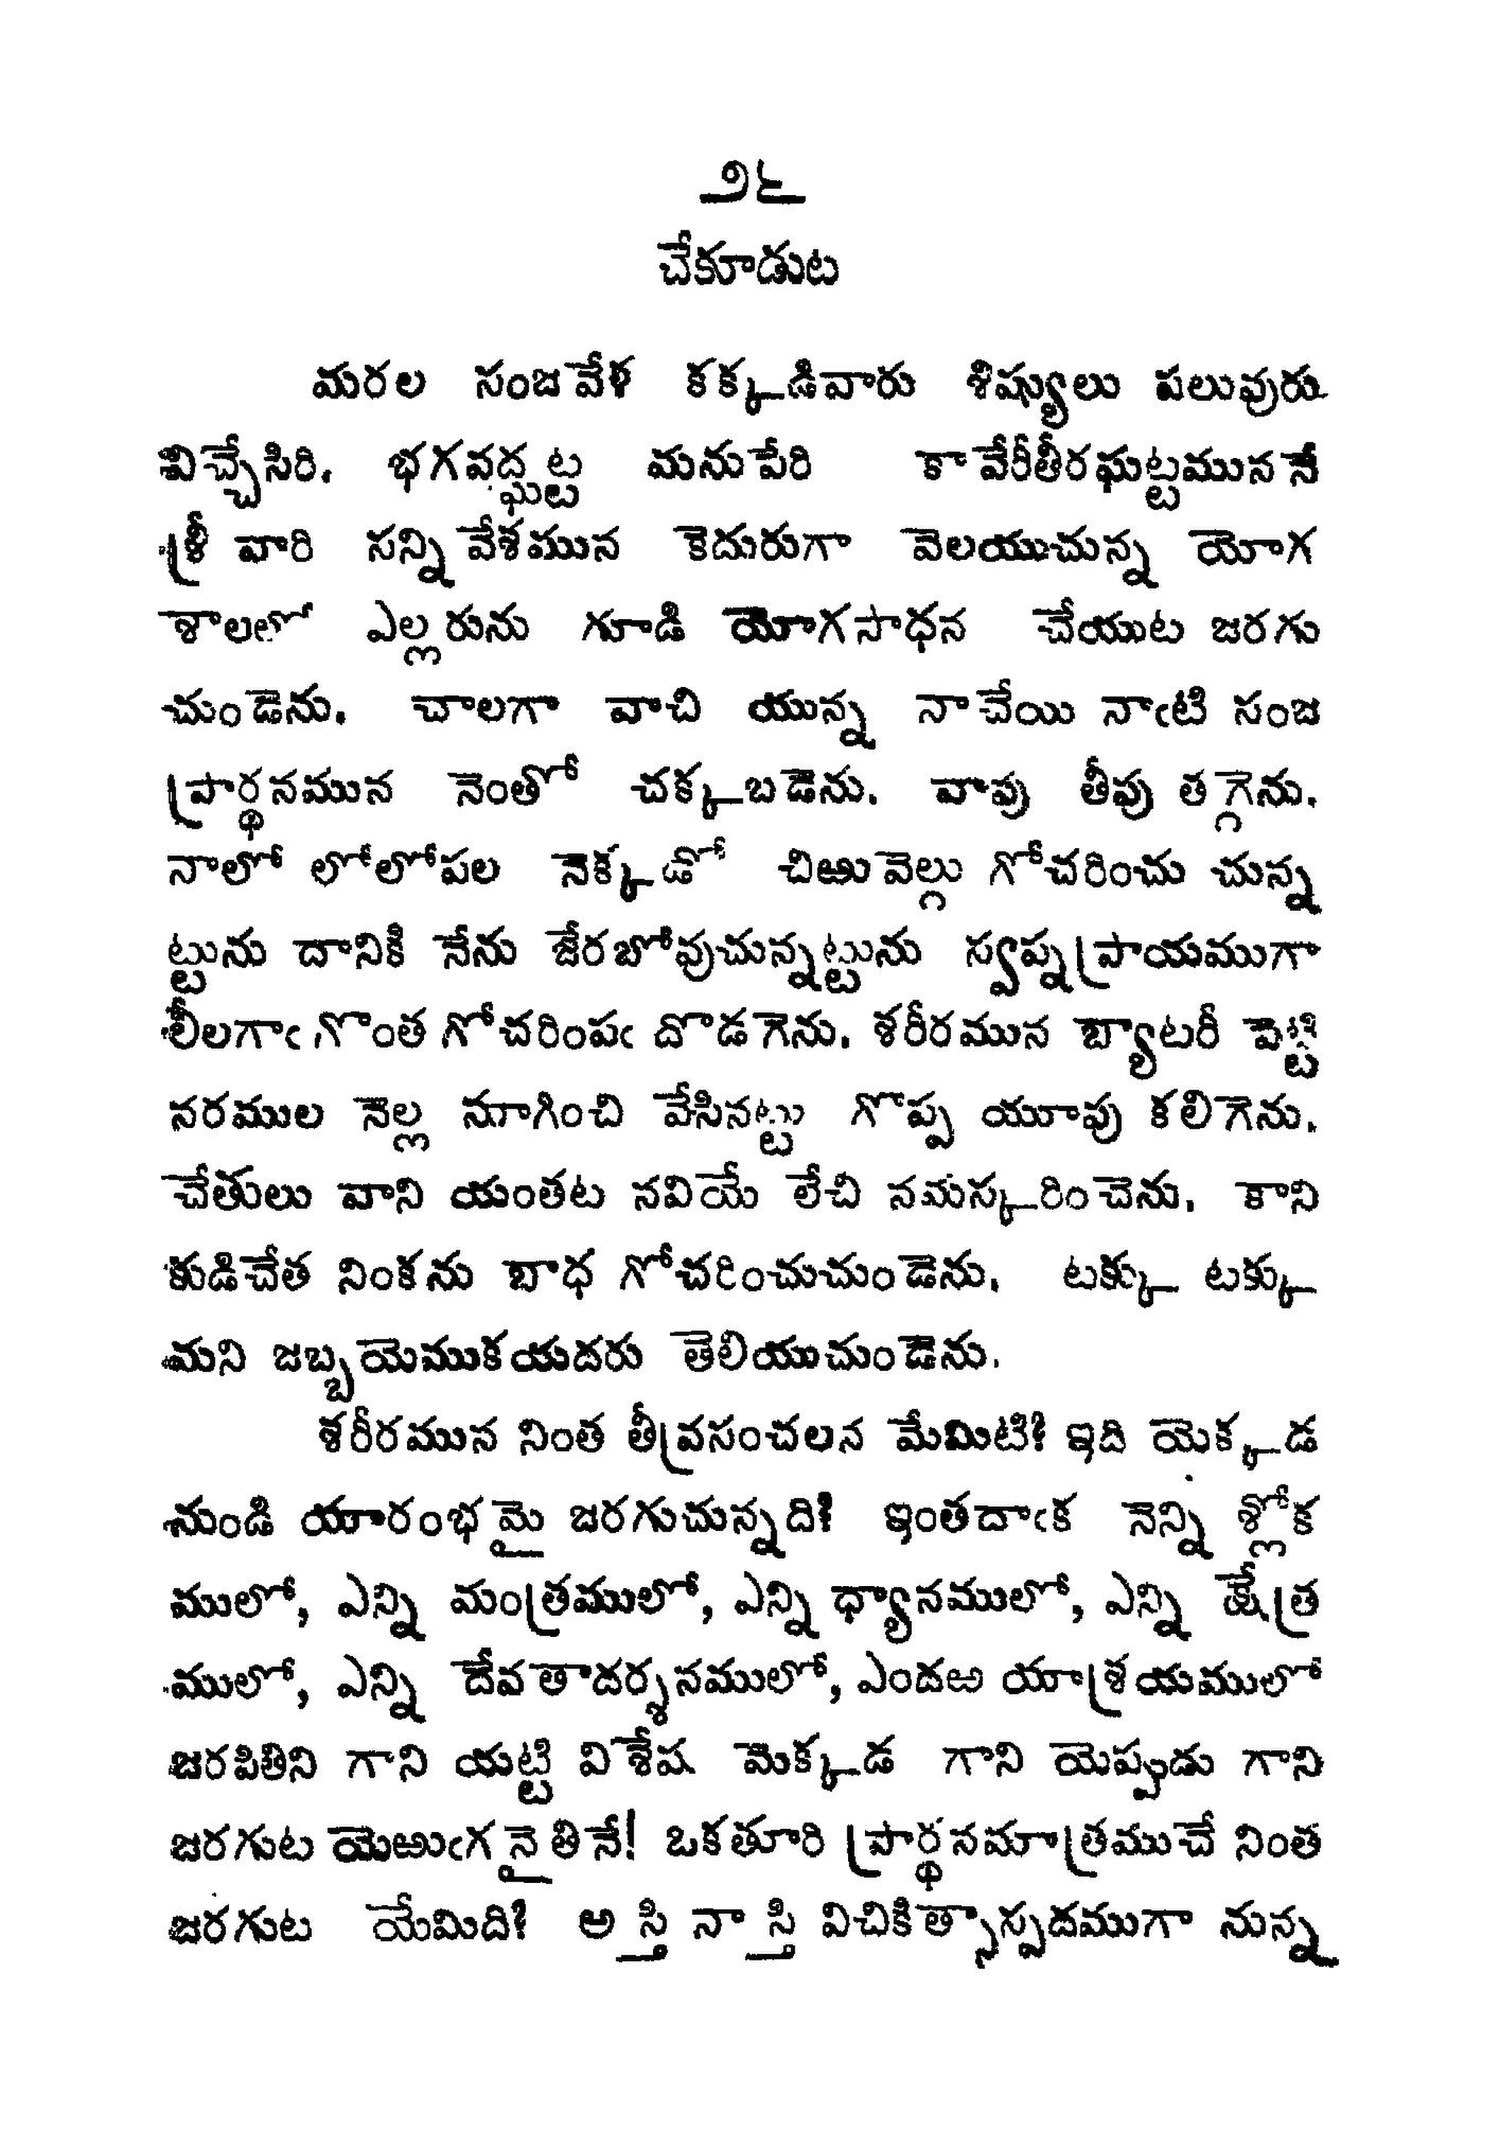మరల సంజవేళ కక్కడివారు శిష్యులు పలువురు విచ్చేసిరి. భగవద్ఘట్ట మను పేరి కావేరీతీరఘట్టముననే శ్రీ వారి సన్ని వేశమున కెదురుగా వెలయుచున్న యోగ శాలలో ఎల్లరును గూడి యోగసాధన చేయుట జరగుచుండెను. చాలగా వాచి యున్న నా చేయి నాఁటి సంజ ప్రార్ధనమున నెంతో చక్క బడెను. వాపు తీపు తగ్గెను. నాలో లోలోపల నెక్కడో చిఱువెల్గు గోచరించు న్నట్టును స్వప్న ప్రాయముగా లీలగాఁ గొంత గోచరింపఁ దొడగెను. శరీరము బ్యాటరీ పెట్టి నరముల నెల్ల నూగించి వేసినట్టు గొప్ప యూపు కలిగెను. చేతులు వాని యంతట నవియే లేచి నమస్కరించెను. కాని కుడిచేత నింకను బాధ గోచరించుచుండెను. టక్కు టక్కు మని జబ్బు యెముక యదురు తెలియుచుండెను.

శరీరము నింత తీవ్రసంచలన మేమిటి? ఇది యెక్కడ నుండి యారంభమై జరగుచున్నది? ఇంతదాఁక నెన్ని శ్లోకములో, ఎన్ని మంత్రములో, ఎన్ని ధ్యానములో, ఎన్ని క్షేత్రములో, ఎన్ని దేవతాదర్శనములో, ఎందఱ యాశ్రాయ ములో జరపితిని గాని యిట్టి విశేష మెక్కడ గాని యెప్పుడు గాని జరగుట యెఱుఁగ నైతినే! ఒకతూరి ప్రార్ధన మాత్రముచే నింత జరగుట యేమిది? అస్తినాస్తి విచికిత్సా స్పదముగా నున్న